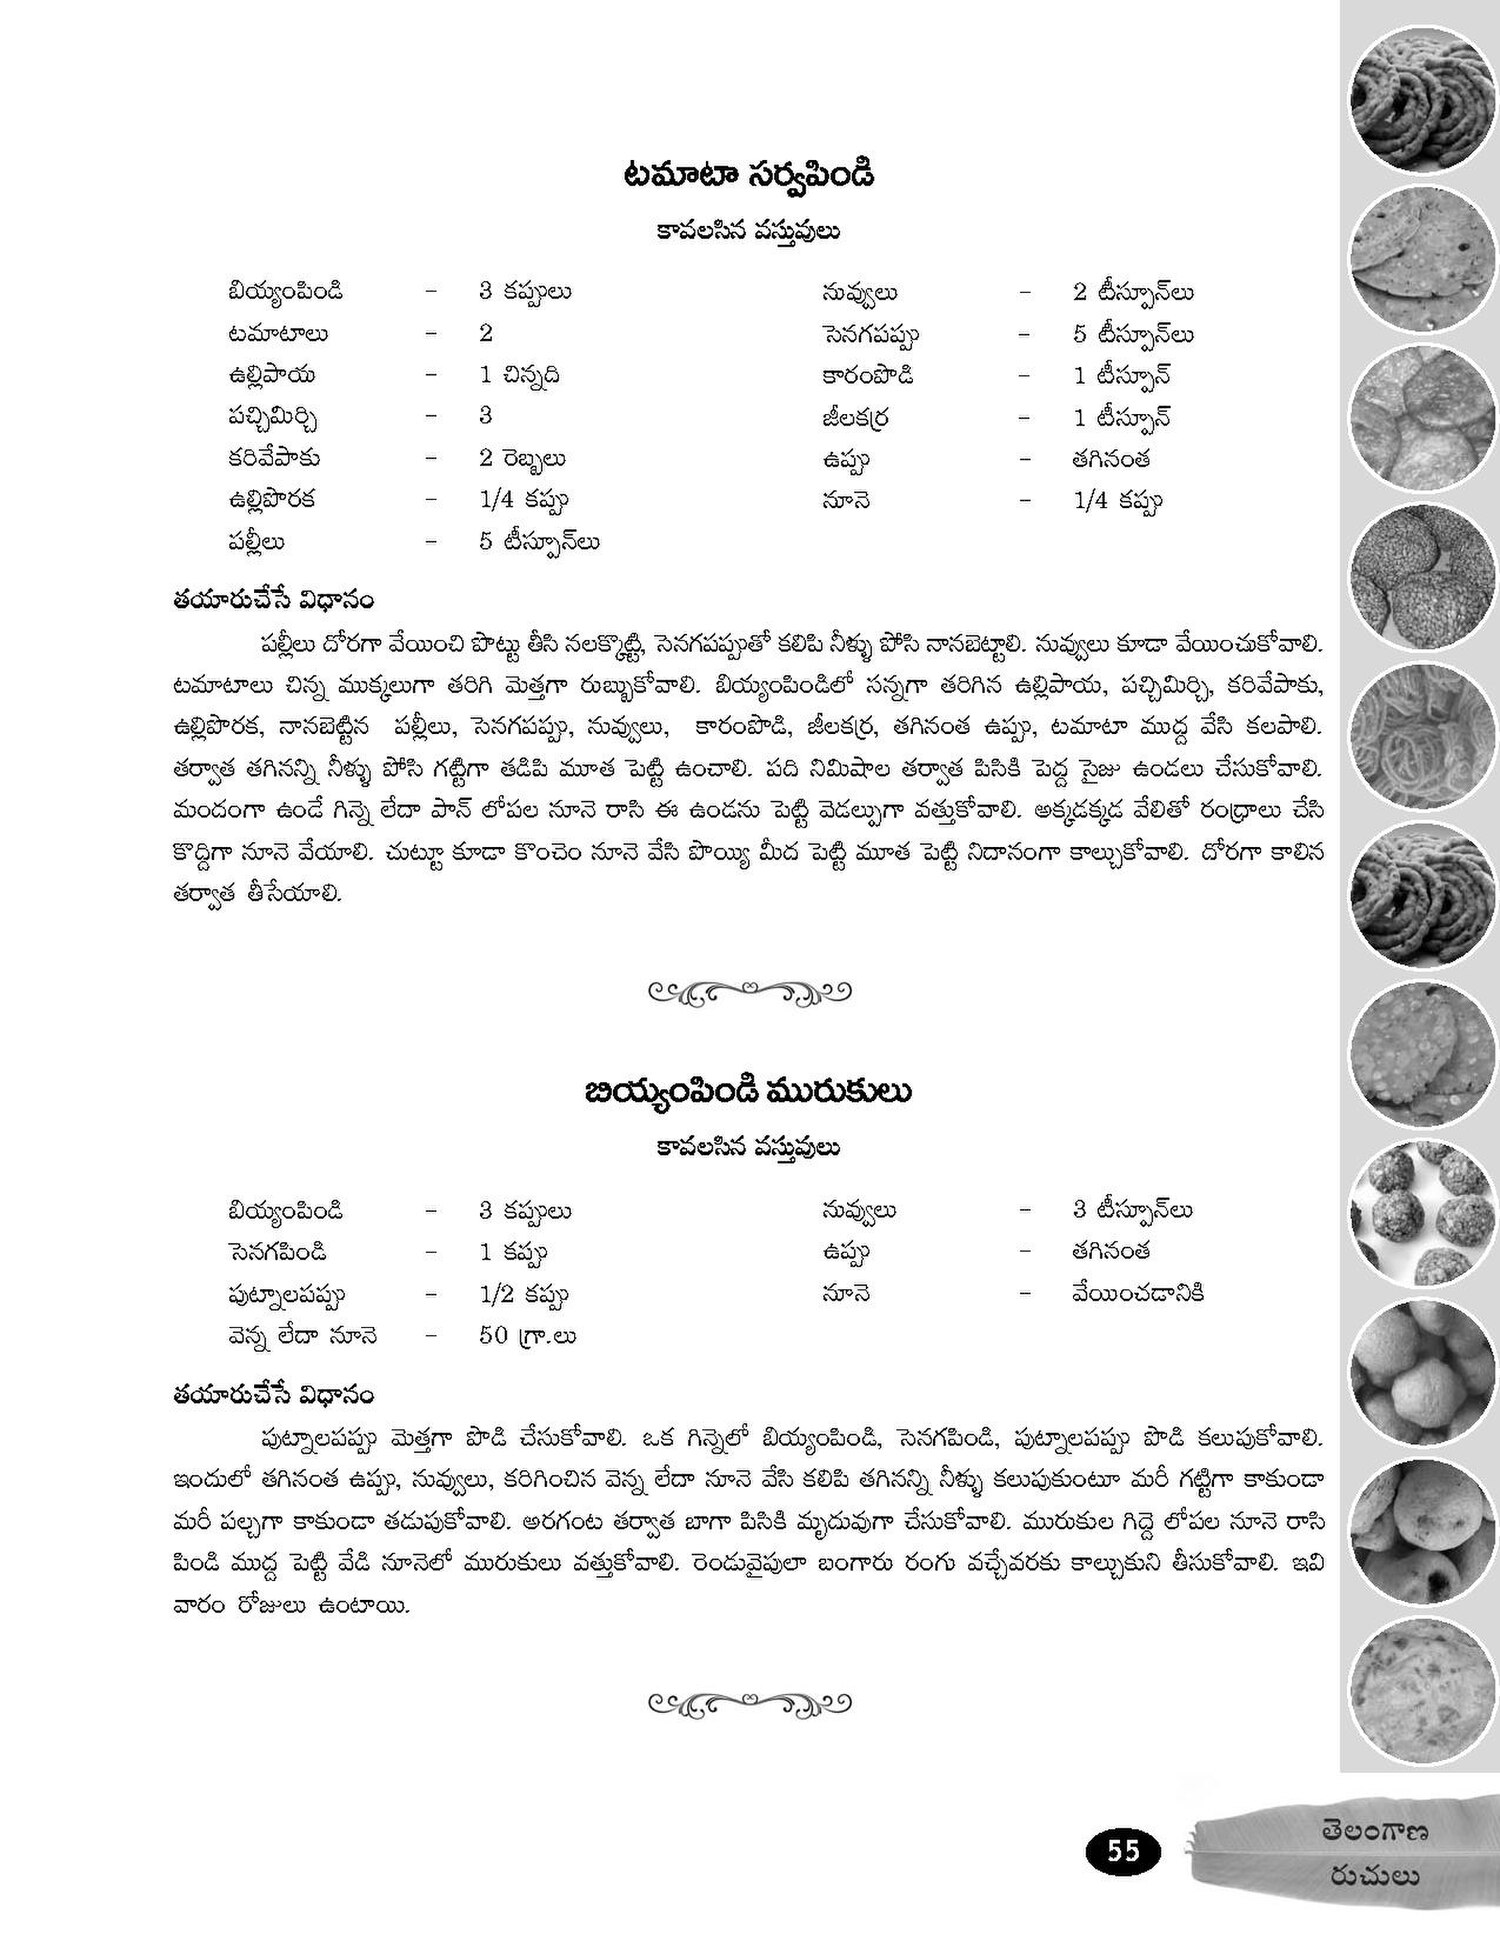+ కావలసిన వస్తువులు బియ్యం పిండి 3 కప్పులు. సెనగపప్పు 5 టీస్పూన్లు టమాటాలు 2 ధనియాల పొడి 1/2 టీస్పూన్ పచ్చిమిర్చి 3 కారం పొడి 1 టీస్పూన్ కరివేపాకు 2 రెబ్బలు జీలకర్ర 1 టీస్పూన్ పల్లీలు. 5 టీస్పూన్లు ఉప్పు తగినంతనువ్వులు 2 టీస్పూన్లు నూనె 1/4 కప్పు.ఉల్లిపొరక 1/4 కప్పు

తయారుచేసే విధానం 

పల్లీలు దోరగా వేయించి పొట్టు తీసి నలక్కొట్టి, సెనగపప్పుతో కలిపి నీళ్ళు పోసి నానబెట్టాలి. నువ్వులు కూడా వేయించుకోవాలి. టమాటాలు చిన్న ముక్కలుగా తరిగి మెత్తగా రుబ్బుకోవాలి. బియ్యంపిండిలో సన్నగా తరిగిన ఉల్లిపాయ, పచ్చిమిర్చి, కరివేపాకు, ఉల్లిపొరక, నానబెట్టిన పల్లీలు, సెనగపప్పు, నువ్వులు, కారంపొడి, జీలకర్ర, తగినంత ఉప్పు, టమాటా ముద్ద వేసి కలపాలి. తర్వాత తగినన్ని నీళ్ళు పోసి గట్టిగా తడిపి మూత పెట్టి ఉంచాలి. పది నిమిషాల తర్వాత పిసికి పెద్ద సైజు ఉండలు చేసుకోవాలి. మందంగా ఉండే గిన్నె లేదా పాన్ లోపల నూనె రాసి ఈ ఉండను పెట్టి వెడల్పుగా వత్తుకోవాలి. అక్కడక్కడ వేలితో రంధ్రాలు చేసి కొద్దిగా నూనె వేయాలి. చుట్టూ కూడా కొంచెం నూనె వేసి పొయ్యి మీద పెట్టి మూత పెట్టి నిదానంగా కాల్చుకోవాలి. దోరగా కాలిన తర్వాత తీసేయాలి.

+ కావలసిన వస్తువులు బియ్యం పిండి 3 కప్పులు. సెనగపిండి 1 కప్పు పుట్నాల పప్పు 1/2 కప్పు వెన్న లేదా నూనె 50 గ్రా.లు. ఉప్పు తగినంతనువ్వులు 3 టీస్పూన్లు నూనె 1/4 కప్పు.

తయారుచేసే విధానం 

పుట్నాలపప్పు మెత్తగా పొడి చేసుకోవాలి. ఒక గిన్నెలో బియ్యంపిండి, సెనగపిండి, పుట్నాలపప్పు పొడి కలుపుకోవాలి.
ఇందులో తగినంత ఉప్పు, నువ్వులు, కరిగించిన వెన్న లేదా నూనె వేసి కలిపి తగినన్ని నీళ్ళు కలుపుకుంటూ మరీ గట్టిగా కాకుండా మరీ పల్చగా కాకుండా తడుపుకోవాలి. అరగంట తర్వాత బాగా పిసికి మృదువుగా చేసుకోవాలి. మురుకుల గిద్దె లోపల నూనె రాసి పిండి ముద్ద పెట్టి వేడి నూనెలో మురుకులు వత్తుకోవాలి. రెండువైపులా బంగారు రంగు వచ్చేవరకు కాల్చుకుని తీసుకోవాలి. ఇవి వారం రోజులు ఉంటాయి.